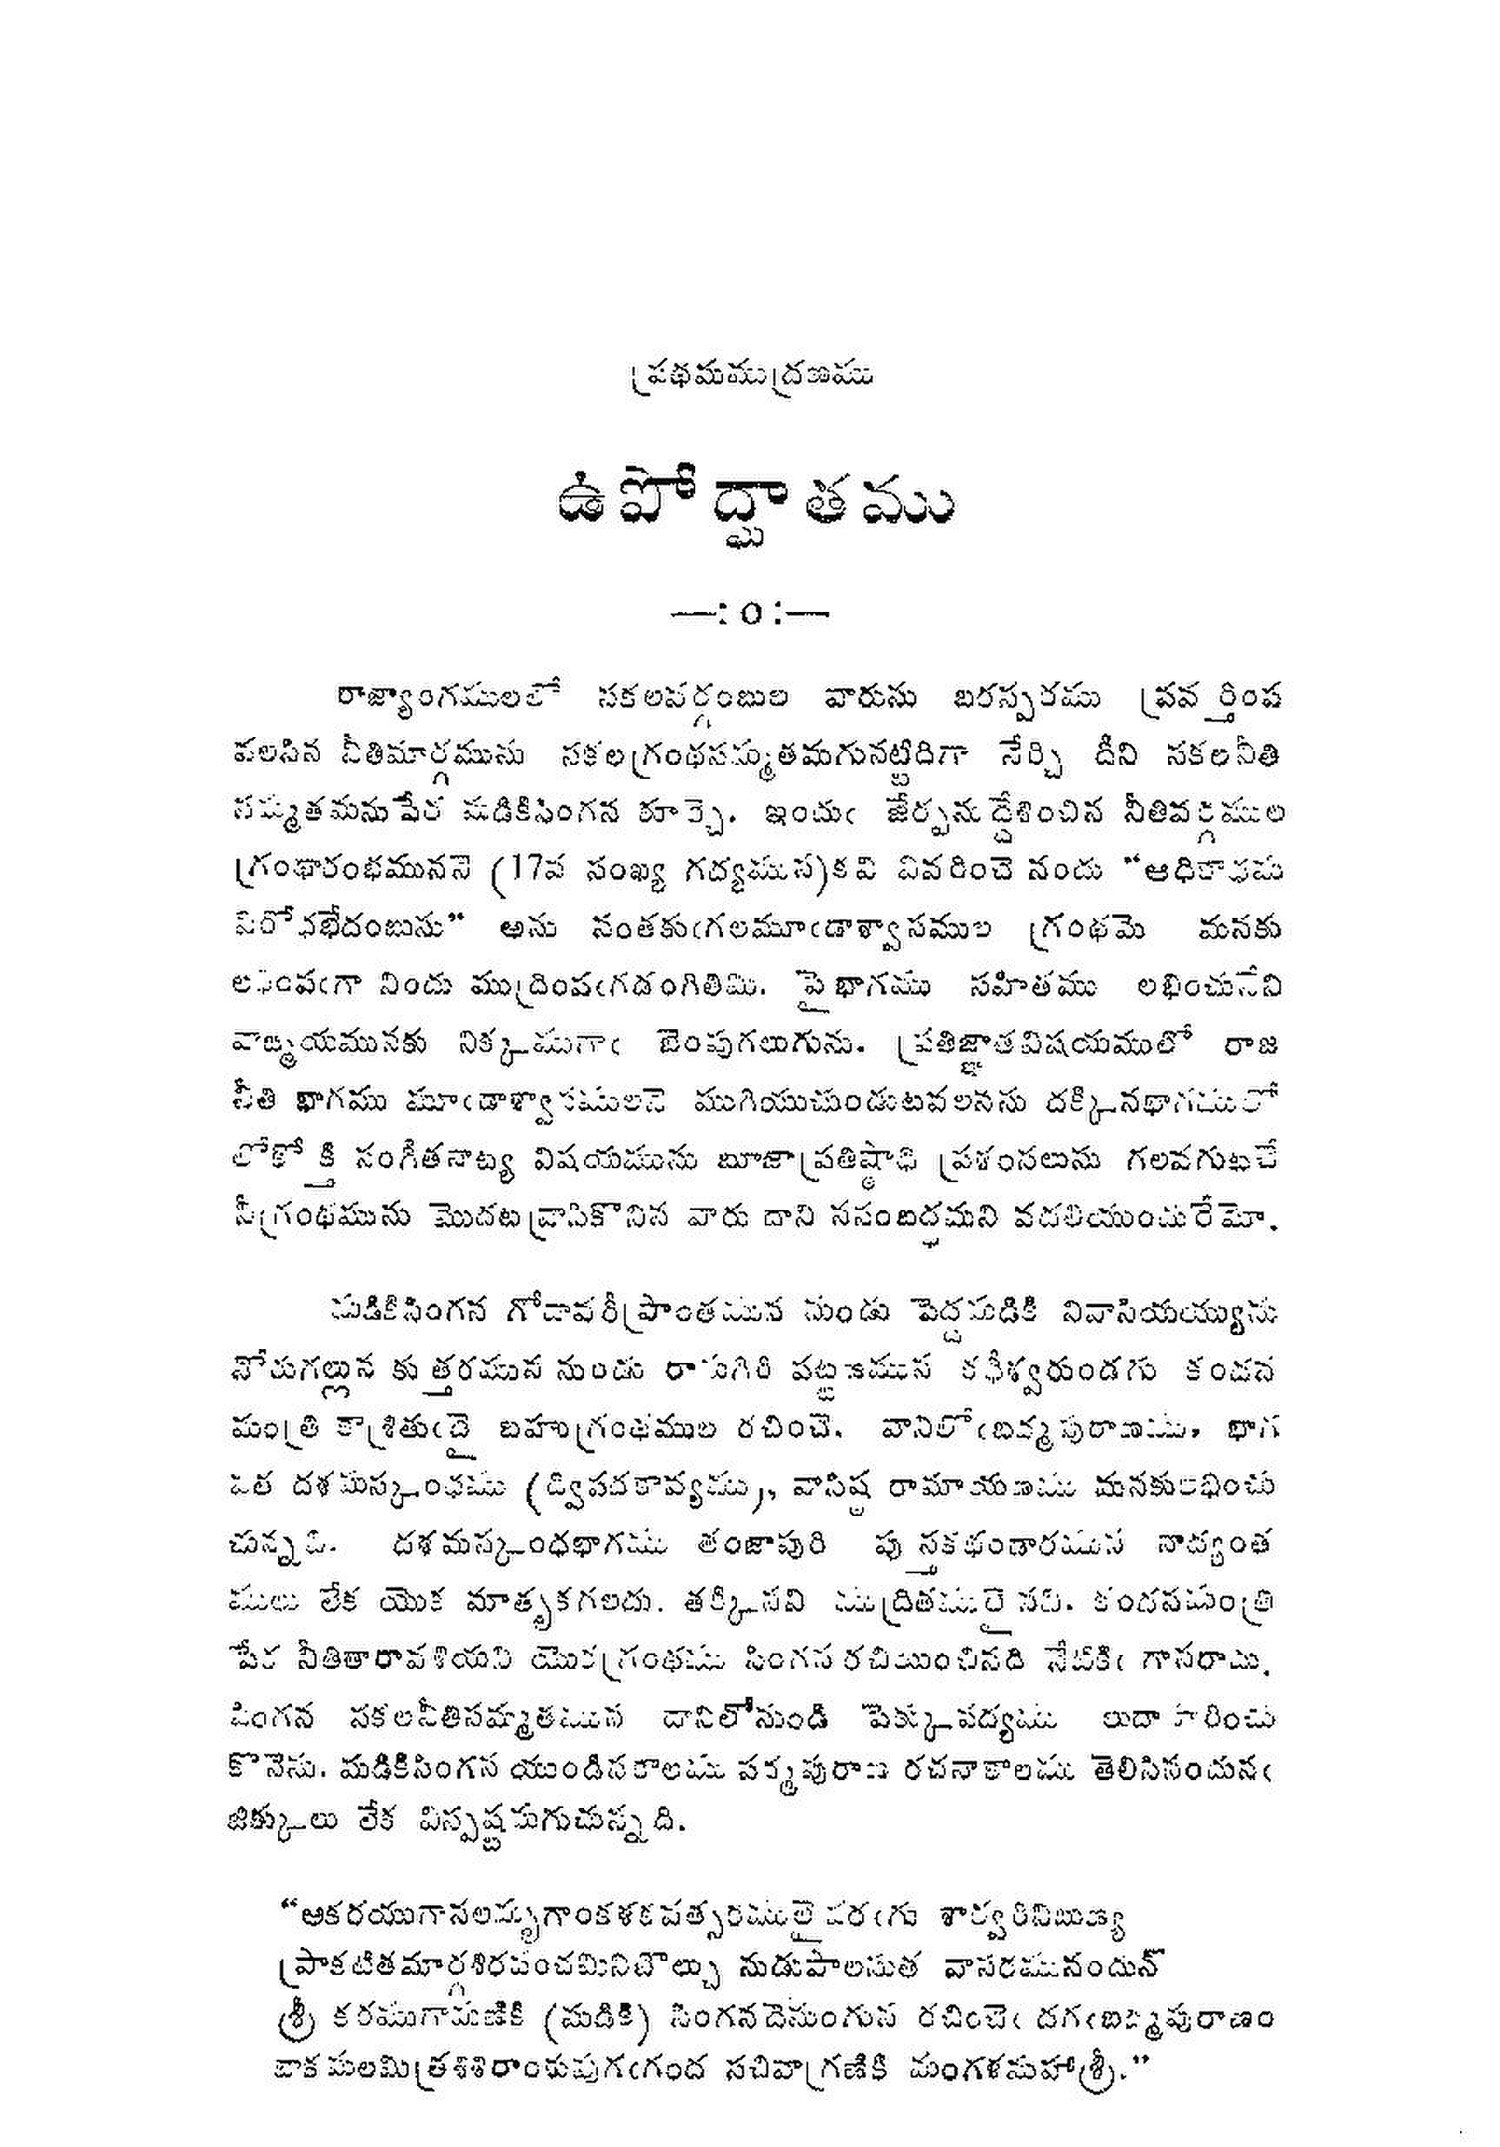ప్రథమముద్రణము
ఉపోద్ఘాతము

రాజ్యాంగములలో సకలవర్గంబుల వారును బరస్పరము ప్రవర్తింప వలసిన నీతిమార్గమును సకలగ్రంథసమ్మత మగునట్టిదిగా నేర్చి దీని సకలనీతిసమ్మత మనుపేర మడికి సింగన కూర్చె. ఇంచుఁ జేర్పనుద్దేశించిన నీతివర్గముల గ్రంథారంభముననే (17వ సంఖ్య గద్యమున) కవి వివరించె నందు "అధికాధమవిరోధభేదంబుసు" అనునంతకుఁ గల మూఁడాశ్వాసముల గ్రంథమె మనకు లభింపఁగా నిందు ముద్రింపఁగడంగితిమి. పైభాగము సహితము లభించునేని వాాఙ్మయమునకు నిక్కముగాఁ బెంపుగలుగును. ప్రతిజ్ఞాతవిషయములో రాజనీతిభాగము మూఁడాశ్వాసములనె ముగియుచుండుటవలనను దక్కినభాగములో లోకోక్తిసంగీతనాట్యవిషయమును బూజాప్రతిష్ఠాధ ప్రశంసలుసు గలవగుటచే నీగ్రంథమును మొదట వ్రాసికొనిన వారు దాని ససంబద్ధమని వదలి యుందురేమో.

మడికి సింగన గోదావరిప్రాంతమున నుండు పెద్దమడికి నివాసియయ్యును నోరుగల్లున కుత్తరమున నుండు రామగిరి పట్టణమున కవీశ్వరుండగు కందనమంత్రి కాశ్రితుఁడై బహుగ్రంథముల రచించె. వానిలోఁ బద్మపురాణము, భాగవత దశమస్కంధము (ద్విపదకావ్యము), వాసిష్ఠరామాయణము మనకు లభించుచున్నవి. దశమస్కంధభాగము తంజాపురి పుస్తకభండారమున నాద్యంతములు లేక యొకమాతృక గలదు. తక్కినవి ముద్రితములైనవి. కందనమంత్రిపేర నీతితారావళియని యొకగ్రంథము సింగన రచియించినది నేటికిఁ గానరాదు. సింగన సకలనీతిసమ్మతమున దానిలోనుండి పెక్కుపద్యము లుదాహరించుకొనెను. మడికి సింగన యుండినకాలము పద్మపురాణరచనాకాలము తెలిసినందునఁ జిక్కులు లేక విస్పష్ట సుగుచున్నది.